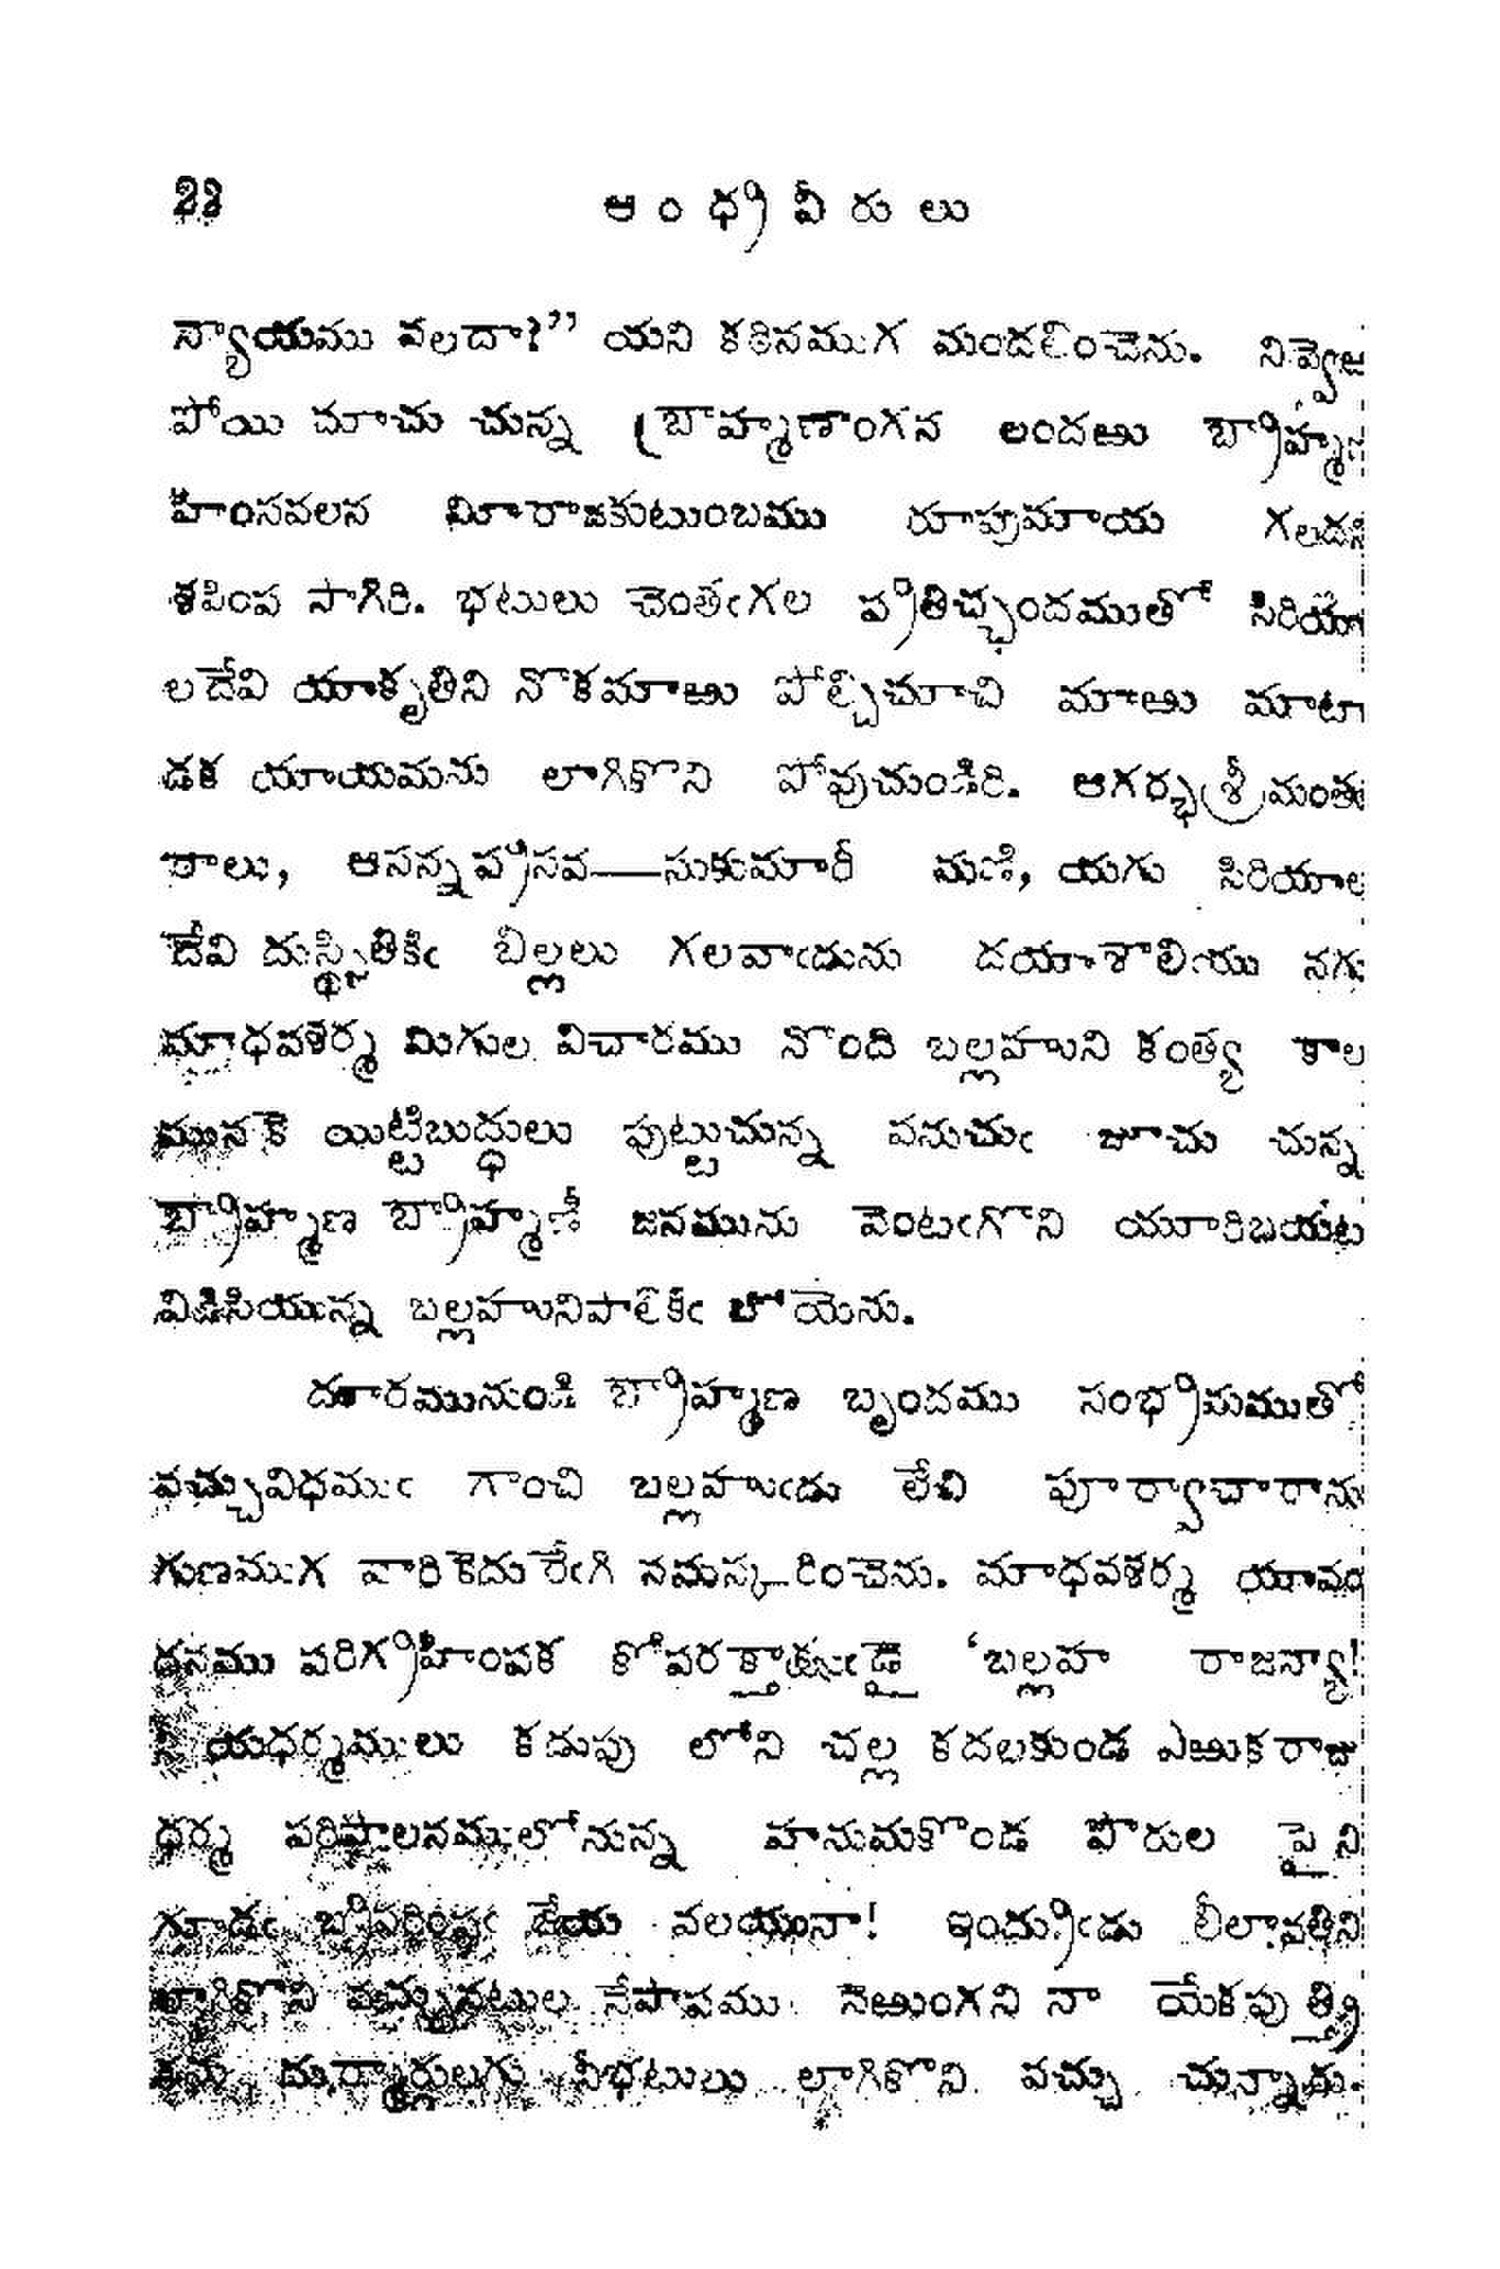న్యాయము వలదా?" యని కఠినముగ మందలించెను. నివ్వెఱపోయి చూచు చున్న బ్రాహ్మణాంగన అందఱు బ్రాహ్మణ హింసవలన మీరాజకుటుంబము రూపుమాయ గలదని శపింప సాగిరి. భటులు చెంతగల ప్రతిచ్ఛందముతో సిరియాలదేవి యాకృతిని నొకమాఱు పోల్చిచూచి మాఱు మాటాడక యాయమను లాగికొని పోవుచుండిరి. ఆగర్భశ్రీమంతురాలు, ఆసన్నప్రసవ-సుకుమారీ మణి, యగు సిరియాలదేవి దుస్థ్సితికి బిల్లలు గలవాడును దయాశాలియు నగు మాధవశర్మ మిగుల విచారము నొంది బల్లహుని కంత్య కాలమునకె యిట్టిబుద్ధులు పుట్టుచున్న వనుచు జూచు చున్న బ్రాహ్మణ బ్రాహ్మణీ జనమును వెంటగొని యూరిబయట విడిసియున్న బల్లహునిపాలికి బోయెను.

దూరమునుండి బ్రాహ్మణ బృందము సంభ్రమముతో వచ్చువిధము గాంచి బల్లహుడు లేచి పూర్వాచారానుగుణముగ వారి కెదురేగి నమస్కరించెను. మాధవశర్మ యావందనము పరిగ్రహింపక కోపరక్తాక్షుడై 'బల్లహ రాజన్యా నీ యధర్మములు కడుపు లోని చల్ల కదలకుండ ఎఱుకరాజు ధర్మ పరిపాలనములోనున్న హనుమకొండ పౌరుల పని గూడ బ్రవర్తింప జేయ వలయునా! ఇంద్రుడు లీలావతిని లాగికొని వచ్చునటుల నేపాపము నెఱుంగని నా యేకపుత్రికను దుర్మార్గులగు నీభటులు లాగికొని వచ్చు చున్నారు.